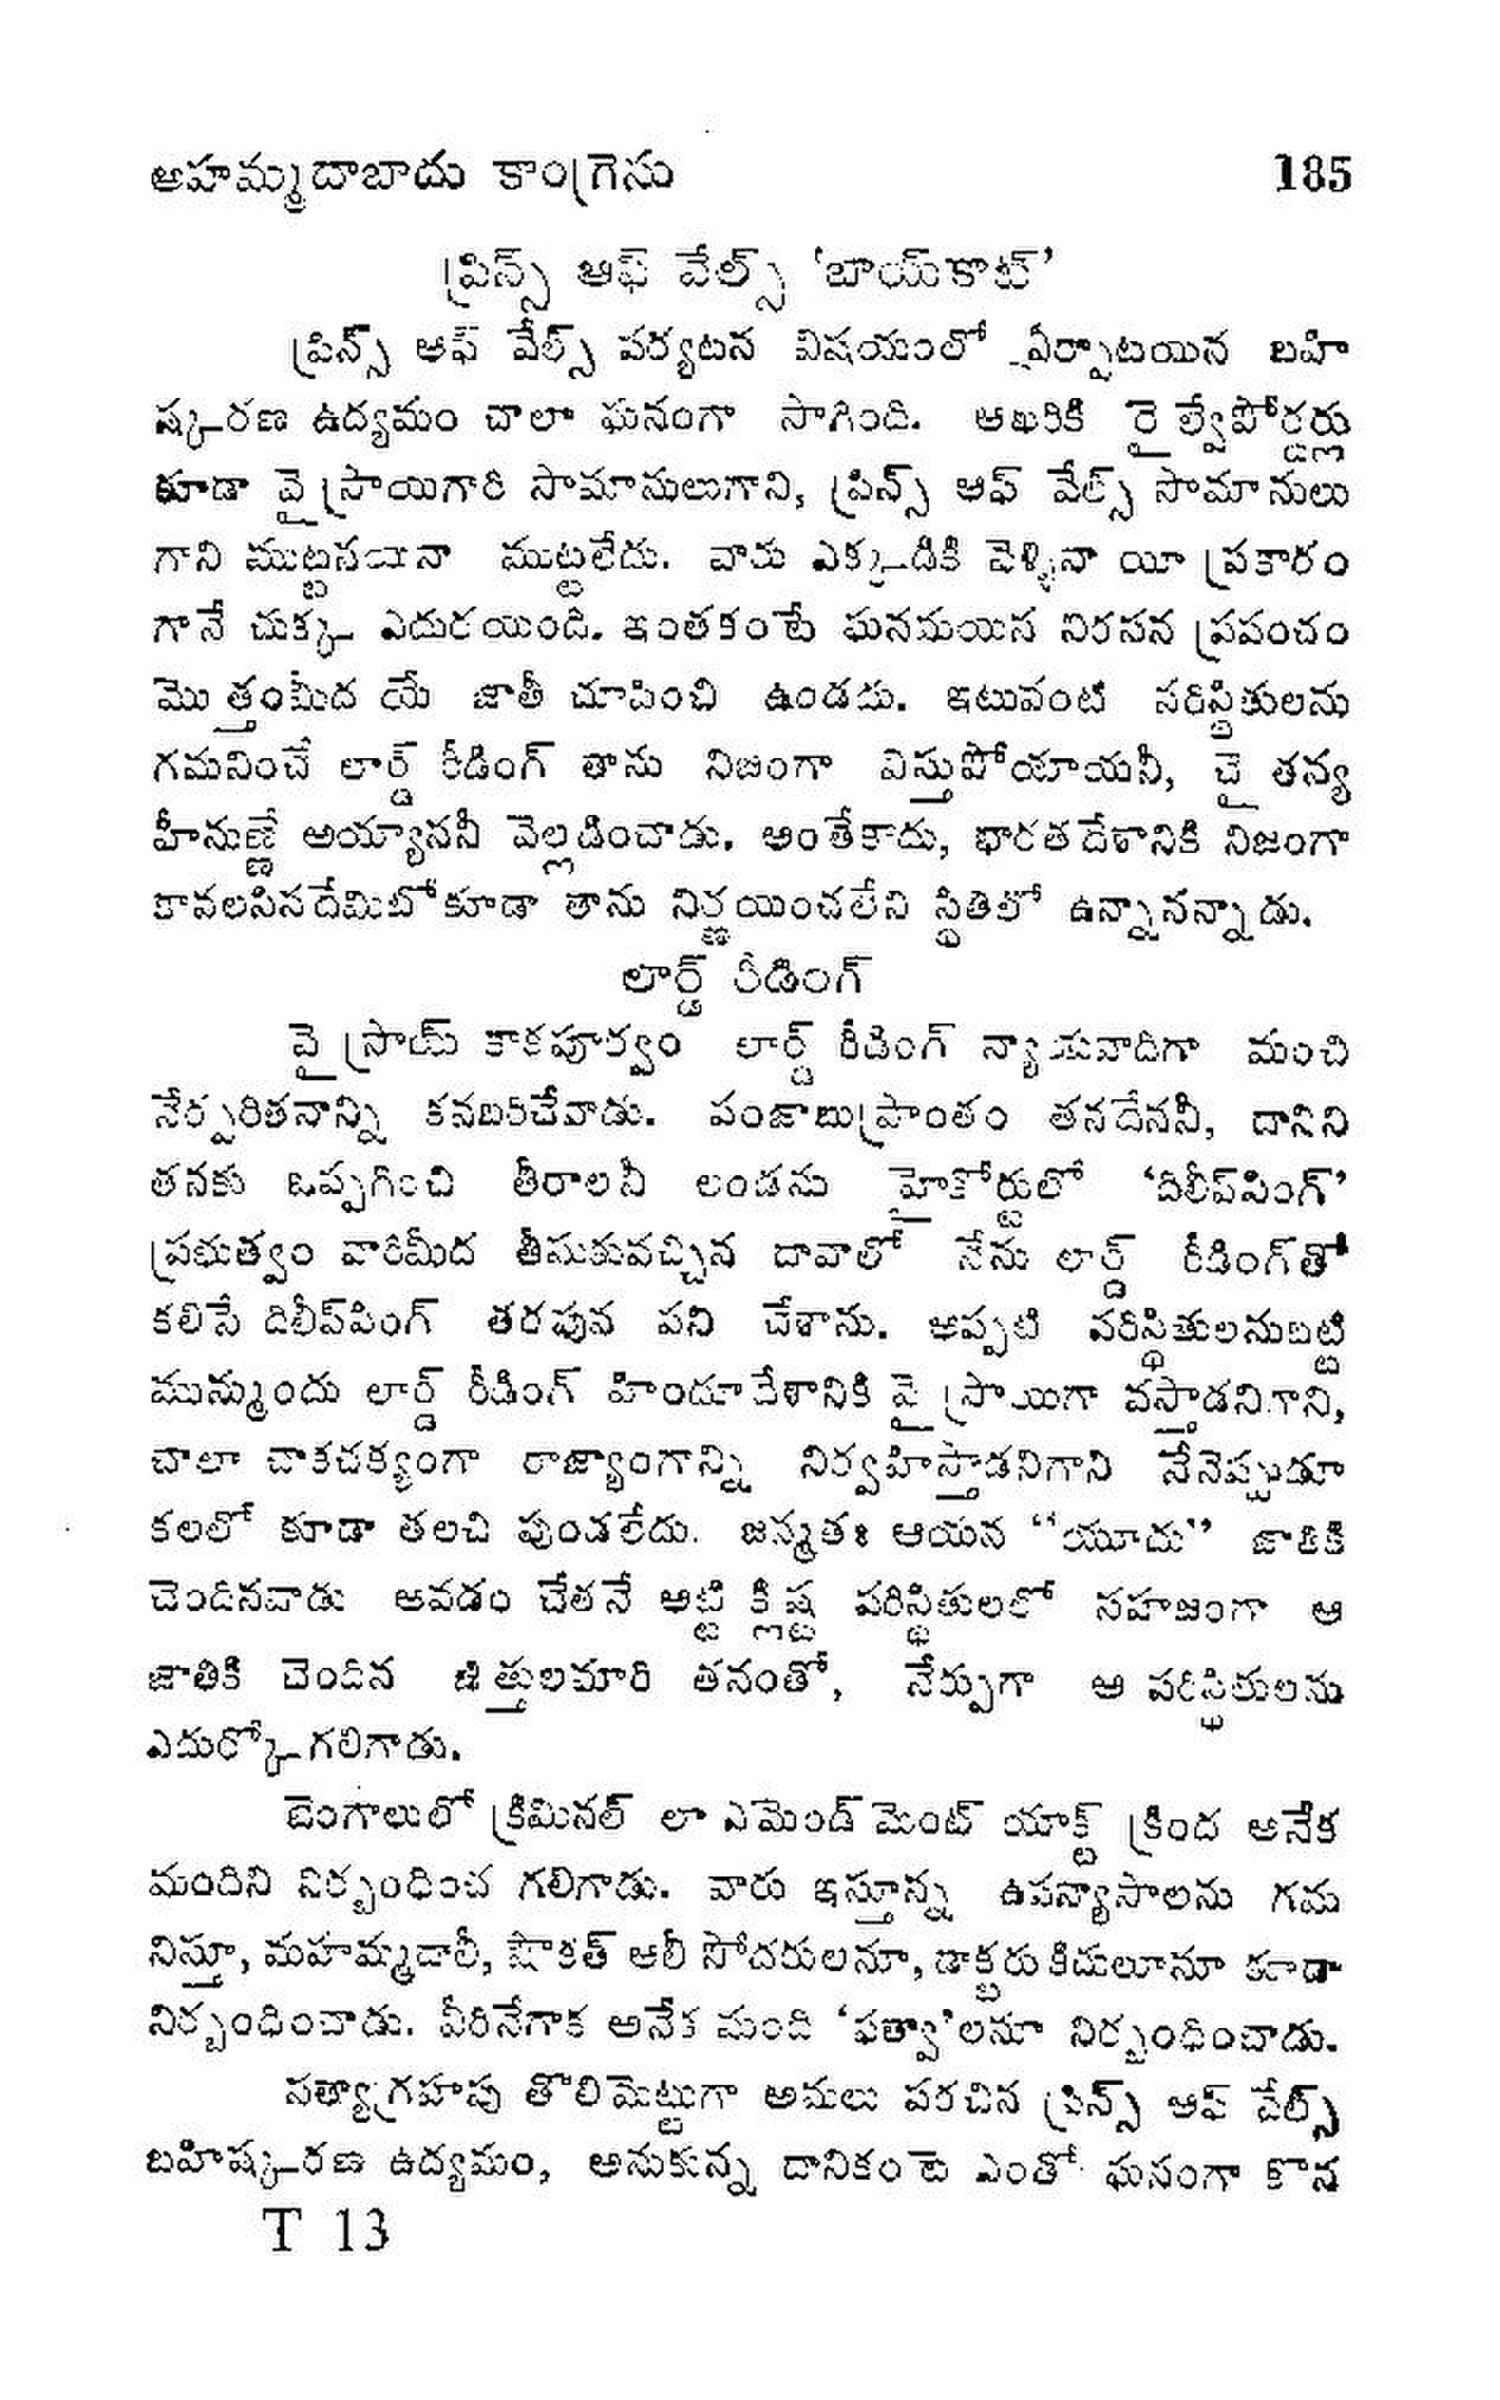ప్రిన్స్ ఆఫ్ వేల్స్ పర్యటన విషయంలో ఏర్పాటయిన బహిష్కరణ ఉద్యమం చాలా ఘనంగా సాగింది. ఆఖరికి రైల్వేపోర్డర్లు కూడా వైస్రాయిగారి సామానులుగాని, ప్రిన్స్ ఆఫ్ వేల్స్ సామానులుగాని ముట్టనయినా ముట్టలేదు. వారు ఎక్కడికి వెళ్ళినా యీ ప్రకారం గానే చుక్క ఎదురయింది. ఇంతకంటే ఘనమయిన నిరసన ప్రపంచం మొత్తంమీద యే జాతీ చూపించి ఉండదు. ఇటువంటి పరిస్థితులను గమనించే లార్డ్ రీడింగ్ తాను నిజంగా విస్తుపోయాయనీ, చైతన్య హీనుణ్ణే అయ్యాననీ వెల్లడించాడు. అంతేకాదు, భారతదేశానికి నిజంగా కావలసినదేమిటో కూడా తాను నిర్ణయించలేని స్థితిలో ఉన్నానన్నాడు.

వైస్రాయ్ కాకపూర్వం లార్డ్ రీడింగ్ న్యాయవాదిగా మంచి నేర్పరితనాన్ని కనబరిచేవాడు. పంజాబుప్రాంతం తనదేననీ, దానిని తనకు ఒప్పగించి తీరాలనీ లండను హైకోర్టులో "దిలీప్‌సింగ్" ప్రభుత్వం వారిమీద తీసుకువచ్చిన దావాలో నేను లార్డ్ రీడింగ్‌తో కలిసే దిలీప్‌సింగ్ తరపున పని చేశాను. అప్పటి పరిస్థితులనుబట్టి మున్ముందు లార్డ్ రీడింగ్ హిందూదేశానికి వైస్రాయిగా వస్తాడనిగాని, చాలా చాకచక్యంగా రాజ్యాంగాన్ని నిర్వహిస్తాడనిగాని నేనెప్పుడూ కలలో కూడా తలచి వుండలేదు. జన్మత: ఆయన "యూదు" జాతికి చెందినవాడు అవడం చేతనే అట్టి క్లిష్ట పరిస్థితులలో సహజంగా ఆజాతికి చెందిన జిత్తులమారి తనంతో, నేర్పుగా ఆ పరిస్థితులను ఎదుర్కోగలిగాడు.

బెంగాలులో క్రిమినల్ లా ఎమెండ్ మెంట్ యాక్ట్ క్రింద అనేకమందిని నిర్బంధించ గలిగాడు. వారు ఇస్తూన్న ఉపన్యాసాలను గమనిస్తూ, మహమ్మదాలీ,షౌకత్ ఆలీ సోదరులనూ, డాక్టరు కిచులూనూ కూడా నిర్బందించాడు. వీరినేగాక అనేక మంది "ఫత్వా"లనూ నిర్బంధించాడు.

సత్యాగ్రహపు తొలిమెట్టుగా అమలు పరచిన ప్రిన్స్ ఆఫ్ వేల్స్ బహిష్కరణ ఉద్యమం, అనుకున్న దానికంటె ఎంతో ఘనంగా కొన